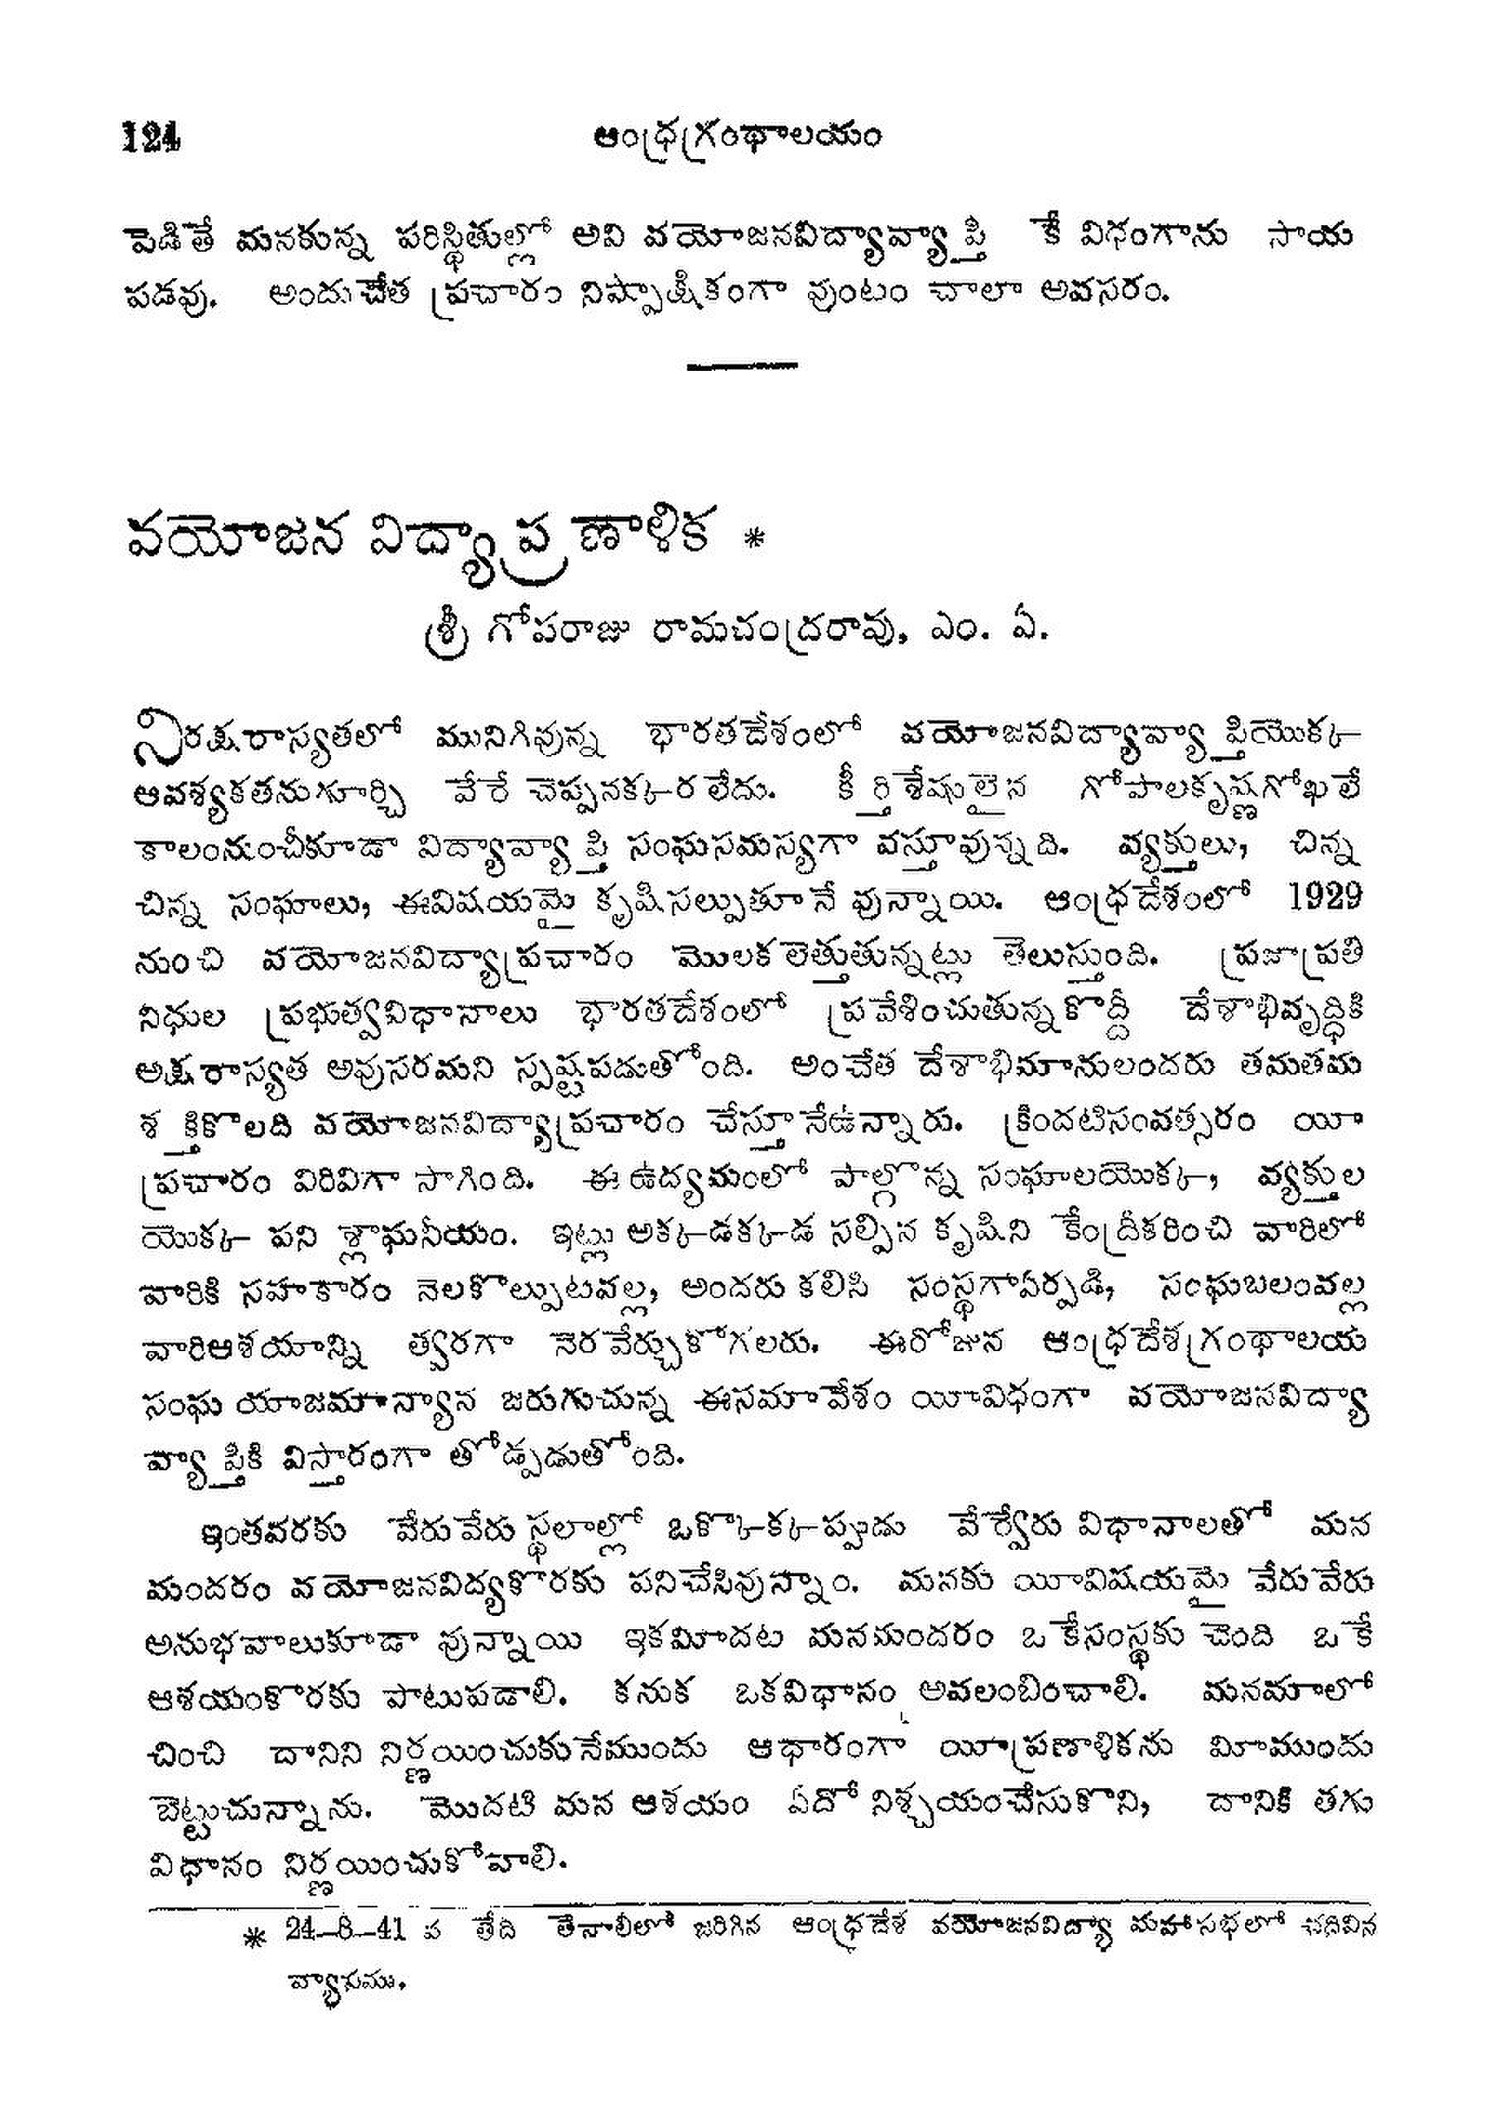పెడితే మనకున్న పరిస్థితుల్లో అవి వయోజన విద్యావ్యాప్తి కే విధంగాను సాయపడవు. అందుచేత ప్రచారం నిష్పాక్షికంగా వుంటం 
చాలా అవసరం.
 

వయోజన విద్యా ప్రణాళిక

నిరక్షరాస్యతలో మునిగివున్న భారతదేశంలో వయోజనవిద్యావ్యా ప్తియొక్క ఆవశ్యకతను గూర్చి వేరే చెప్పనక్కరలేదు. 
కీర్తిశేషులైన గోపాలకృష్ణ గోఖలే కాలంనుంచీకూడా విద్యావ్యాప్తి సంఘ సమస్యగా వస్తూవున్నది. వ్యక్తులు, చిన్న చిన్న 
సంఘాలు, ఈవిషయమై కృషి సల్పుతూనే వున్నాయి. ఆంధ్రదేశంలో 1929 నుంచి వయోజనవిద్యాప్రచారం 
మొలకలెత్తుతున్నట్లు తెలుస్తుంది. ప్రజాప్రతినిధుల ప్రభుత్వవిధానాలు భారతదేశంలో ప్రవేశించుతున్నకొద్దీ దేశాభివృద్ధికి 
అక్షరాస్యత అవుసరమని స్పష్టపడుతోంది. అంచేత దేశాభిమానులందరు తమతమ శక్తికొలది వయోజనవిద్యా ప్రచారం 
చేస్తూనేఉన్నారు. క్రిందటి సంవత్సరం యీ ప్రచారం విరివిగా సాగింది. ఈ ఉద్యమంలో పాల్గొన్న సంఘాల యొక్క, 
వ్యక్తులయొక్క పని శ్లాఘనీయం. ఇట్లు అక్కడక్కడ సల్పిన కృషిని కేంద్రీకరించి వారిలో వారికి సహకారం నెలకొల్పుటవల్ల, 
అందరు కలిసి సంస్థగా ఏర్పడి, సంఘబలంవల్ల వారిఆశయాన్ని త్వరగా నెరవేర్చుకోగలరు. ఈరోజున ఆంధ్రదేశగ్రంథాలయ 
సంఘ యాజమాన్యాన జరుగుచున్న ఈసమావేశం యీవిధంగా వయోజనవిద్యావ్యాప్తికి విస్తారంగా తోడ్పడుతోంది.

ఇంతవరకు వేరు వేరు స్థలాల్లో ఒక్కొక్కప్పుడు వేర్వేరు విధానాలతో మన మందరం వయోజనవిద్య కొరకు పనిచేసివున్నాం. మనకు యీ విషయమై వేరు వేరు అనుభవాలుకూడా వున్నాయి ఇకమీదట మనమందరం ఒకేసంస్థకు చెంది ఒకే ఆశయం కొరకు పాటుపడాలి. కనుక ఒక విధానం అవలంబించాలి. మనమాలోచించి దానిని నిర్ణయించుకునేముందు ఆధారంగా యీప్రణాళికను మీముందు బెట్టుచున్నాను. "మొదటి మన ఆశయం ఏదో నిశ్చయం చేసుకొని, దానికి తగు విధానం నిర్ణయించుకోవాలి.